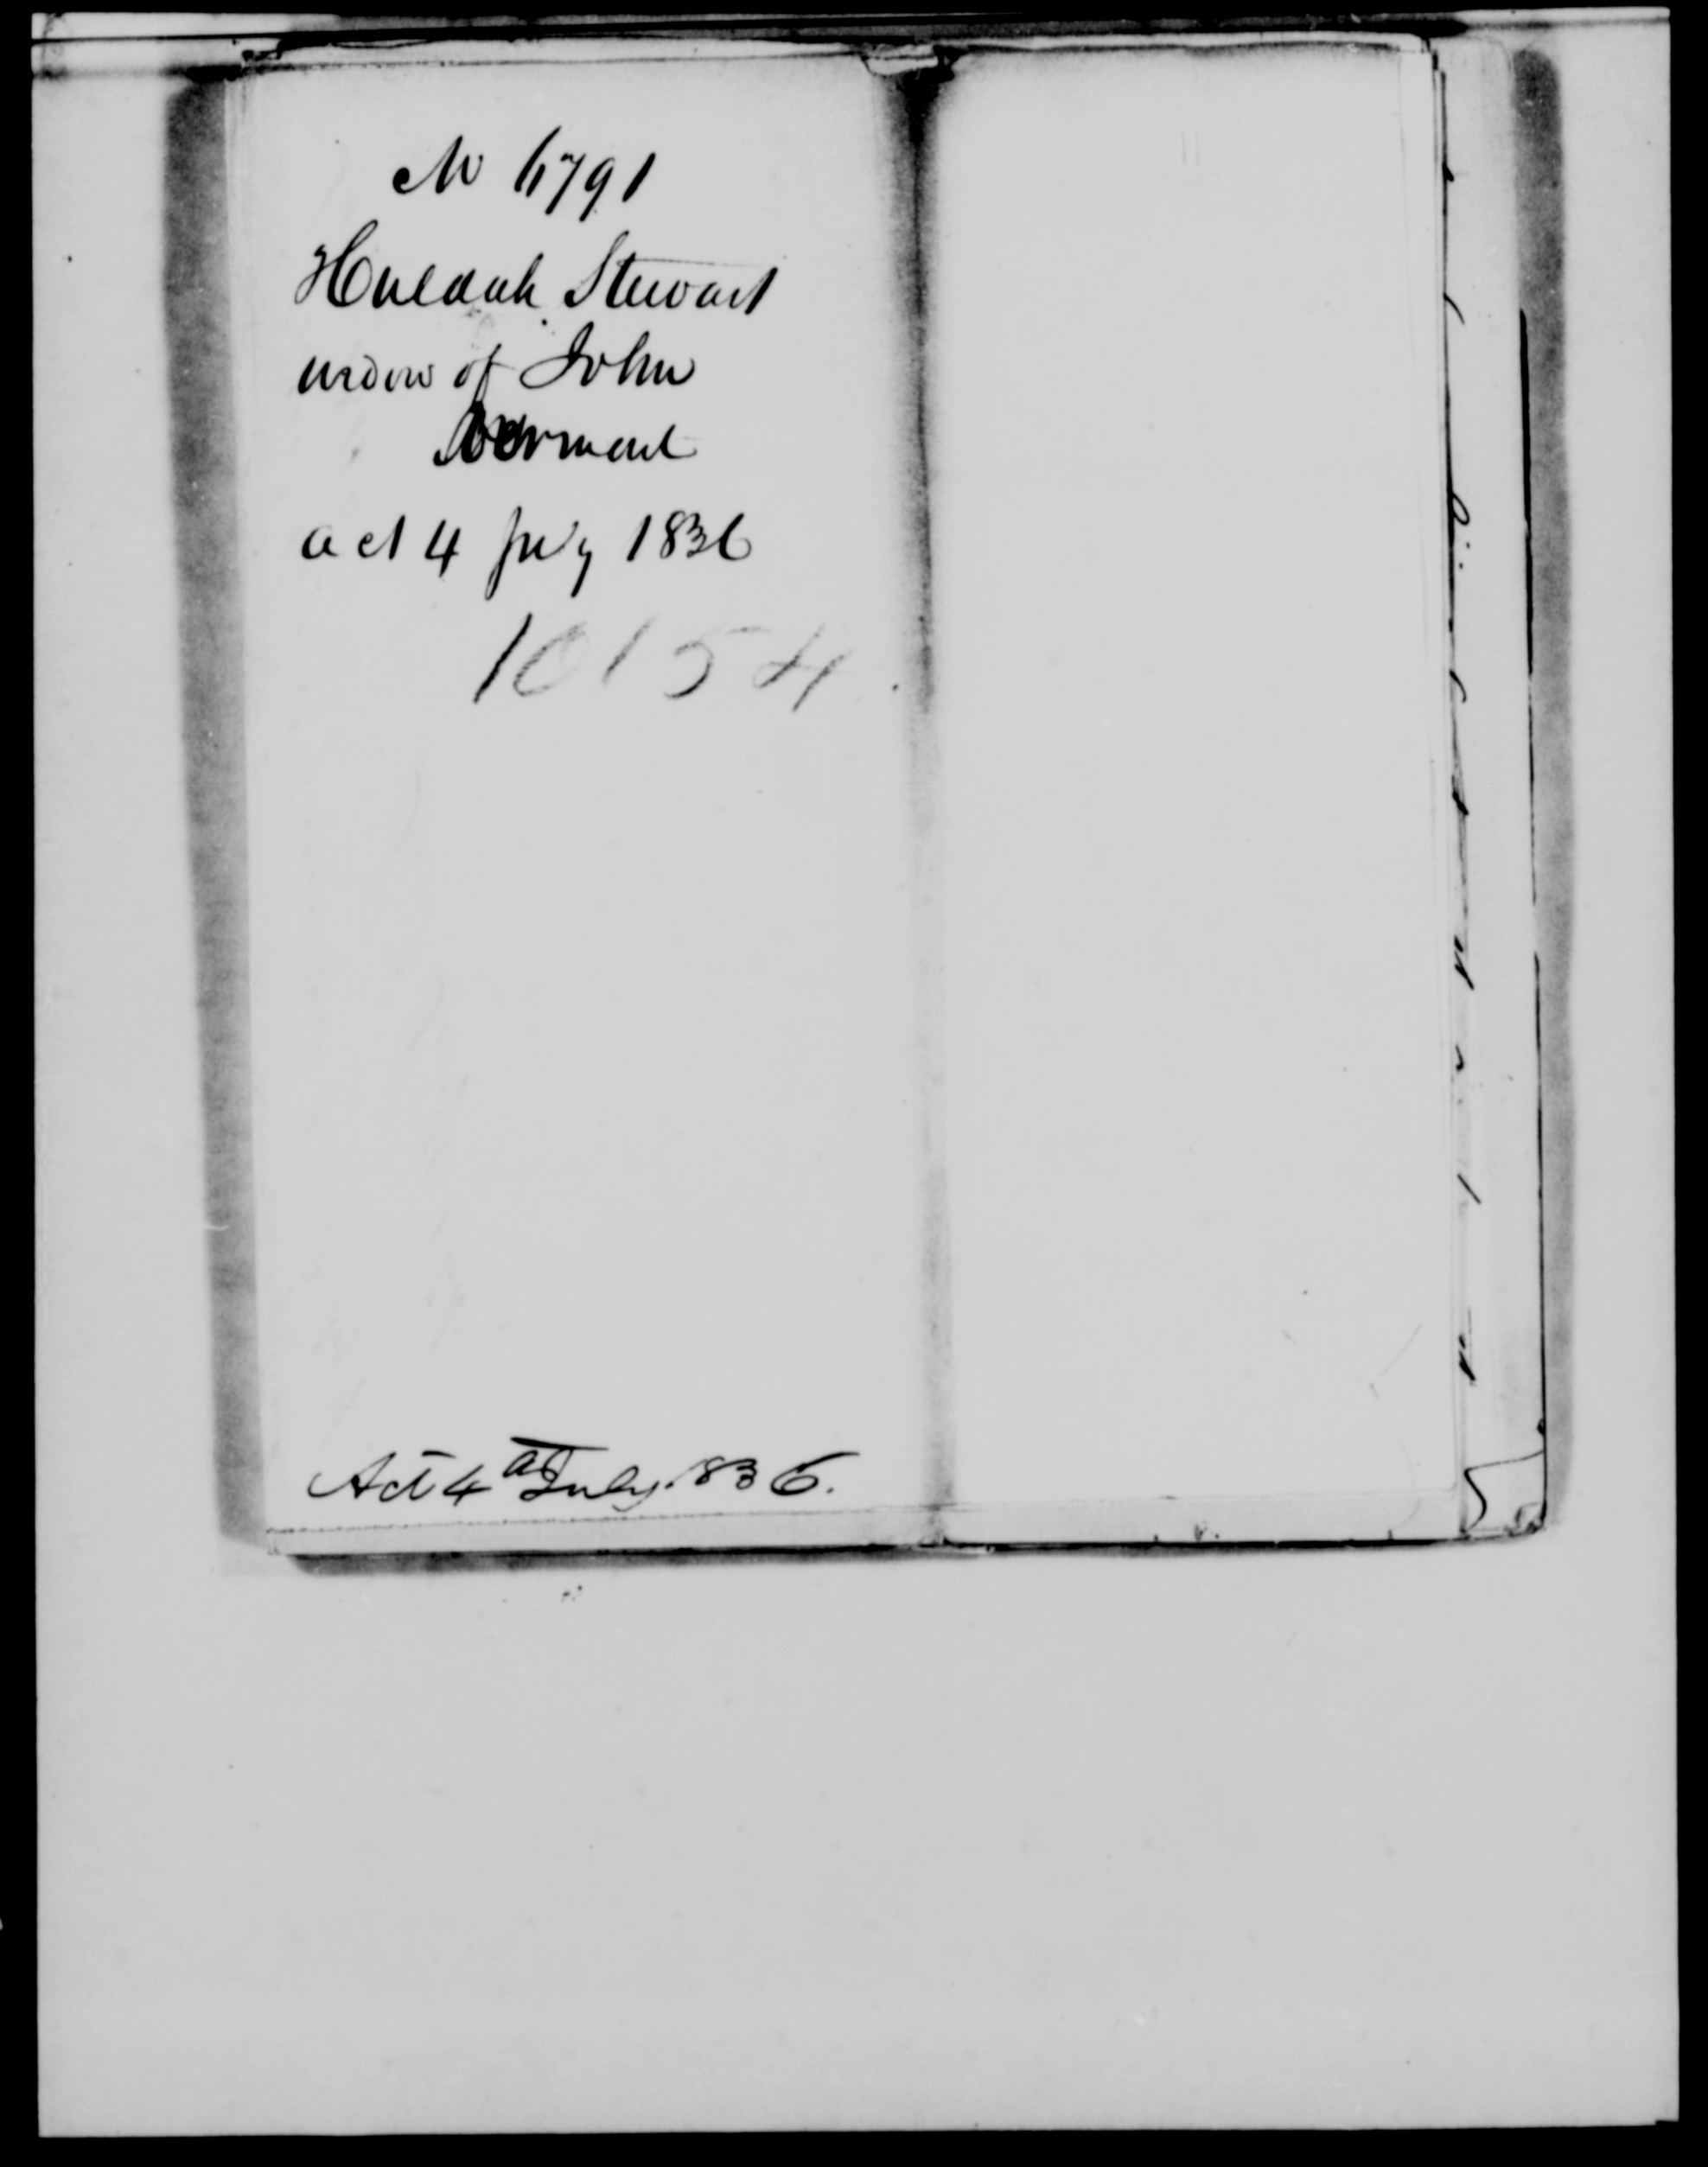No 6791
Huldah Stewart
widow of John
Vermont
Act 4 July 1836
10154

Act 4 July 1836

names: John Stewart; Huldah Stewart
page: 2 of 26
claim: rejected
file: R. 10,154, for John Stewart, New Hampshire